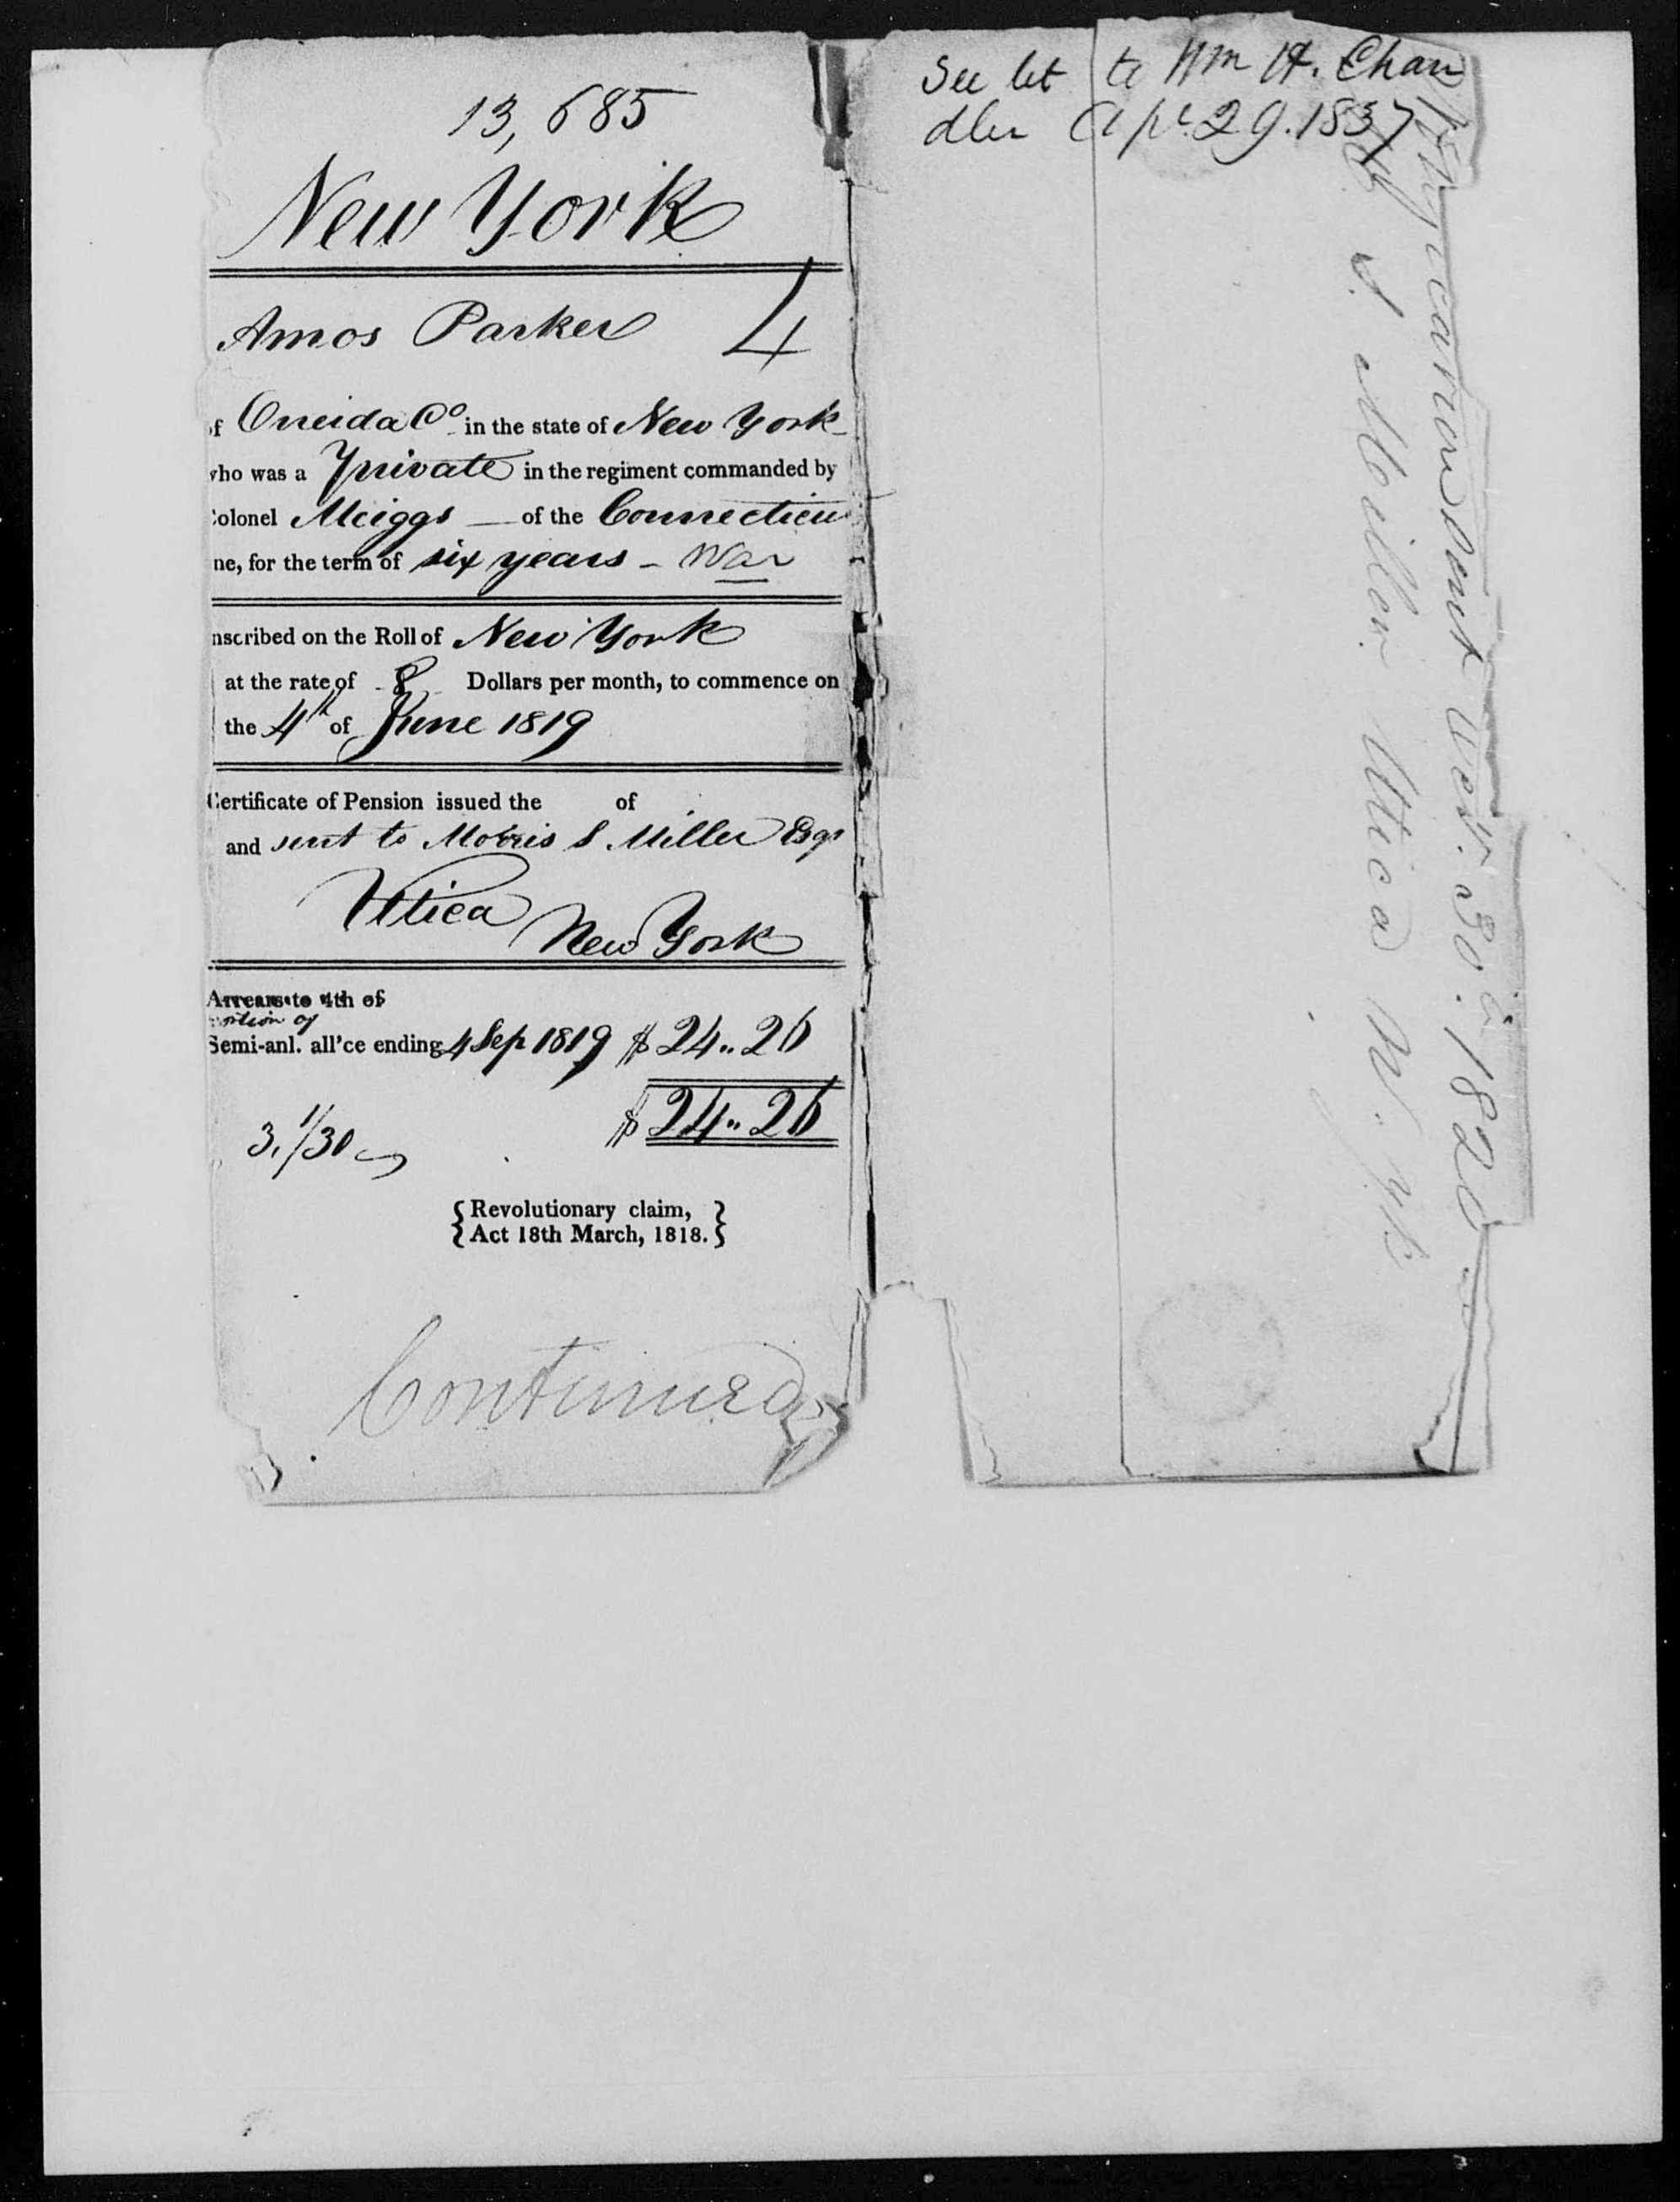13, 685
New York
Amos Parker 4
of Oneida Co in the State of New York
who was a private in the regiment commanded by
Colonel Meiggs of the Connecticut
line, for the term of six years. War
Inscribed on the Roll of New York
at the rate of 8 Dollars per month, to commence on
the 4th of June 1819
Certificate of Pension issued the  of
and sent to Morris S. Miller Esq
Utica 
New York
portion of
Semi-anl. all'ce ending 4 Sep 1819 $24,26
$24,26
3, 1/30
{Revolutionary claim,}
{Act 18th March, 1818.}
Continued
See let to Wm H Chandler
Apl 29.1837
[illegible] sent Oct 30 1820
M S Miller Utica N. Y.
son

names: [BLANK] Meiggs; Amos Parker; Mooris S Miller; Wm H Chandler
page: 2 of 31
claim: survivor's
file: S. 43766, for Amos Parker, Connecticut